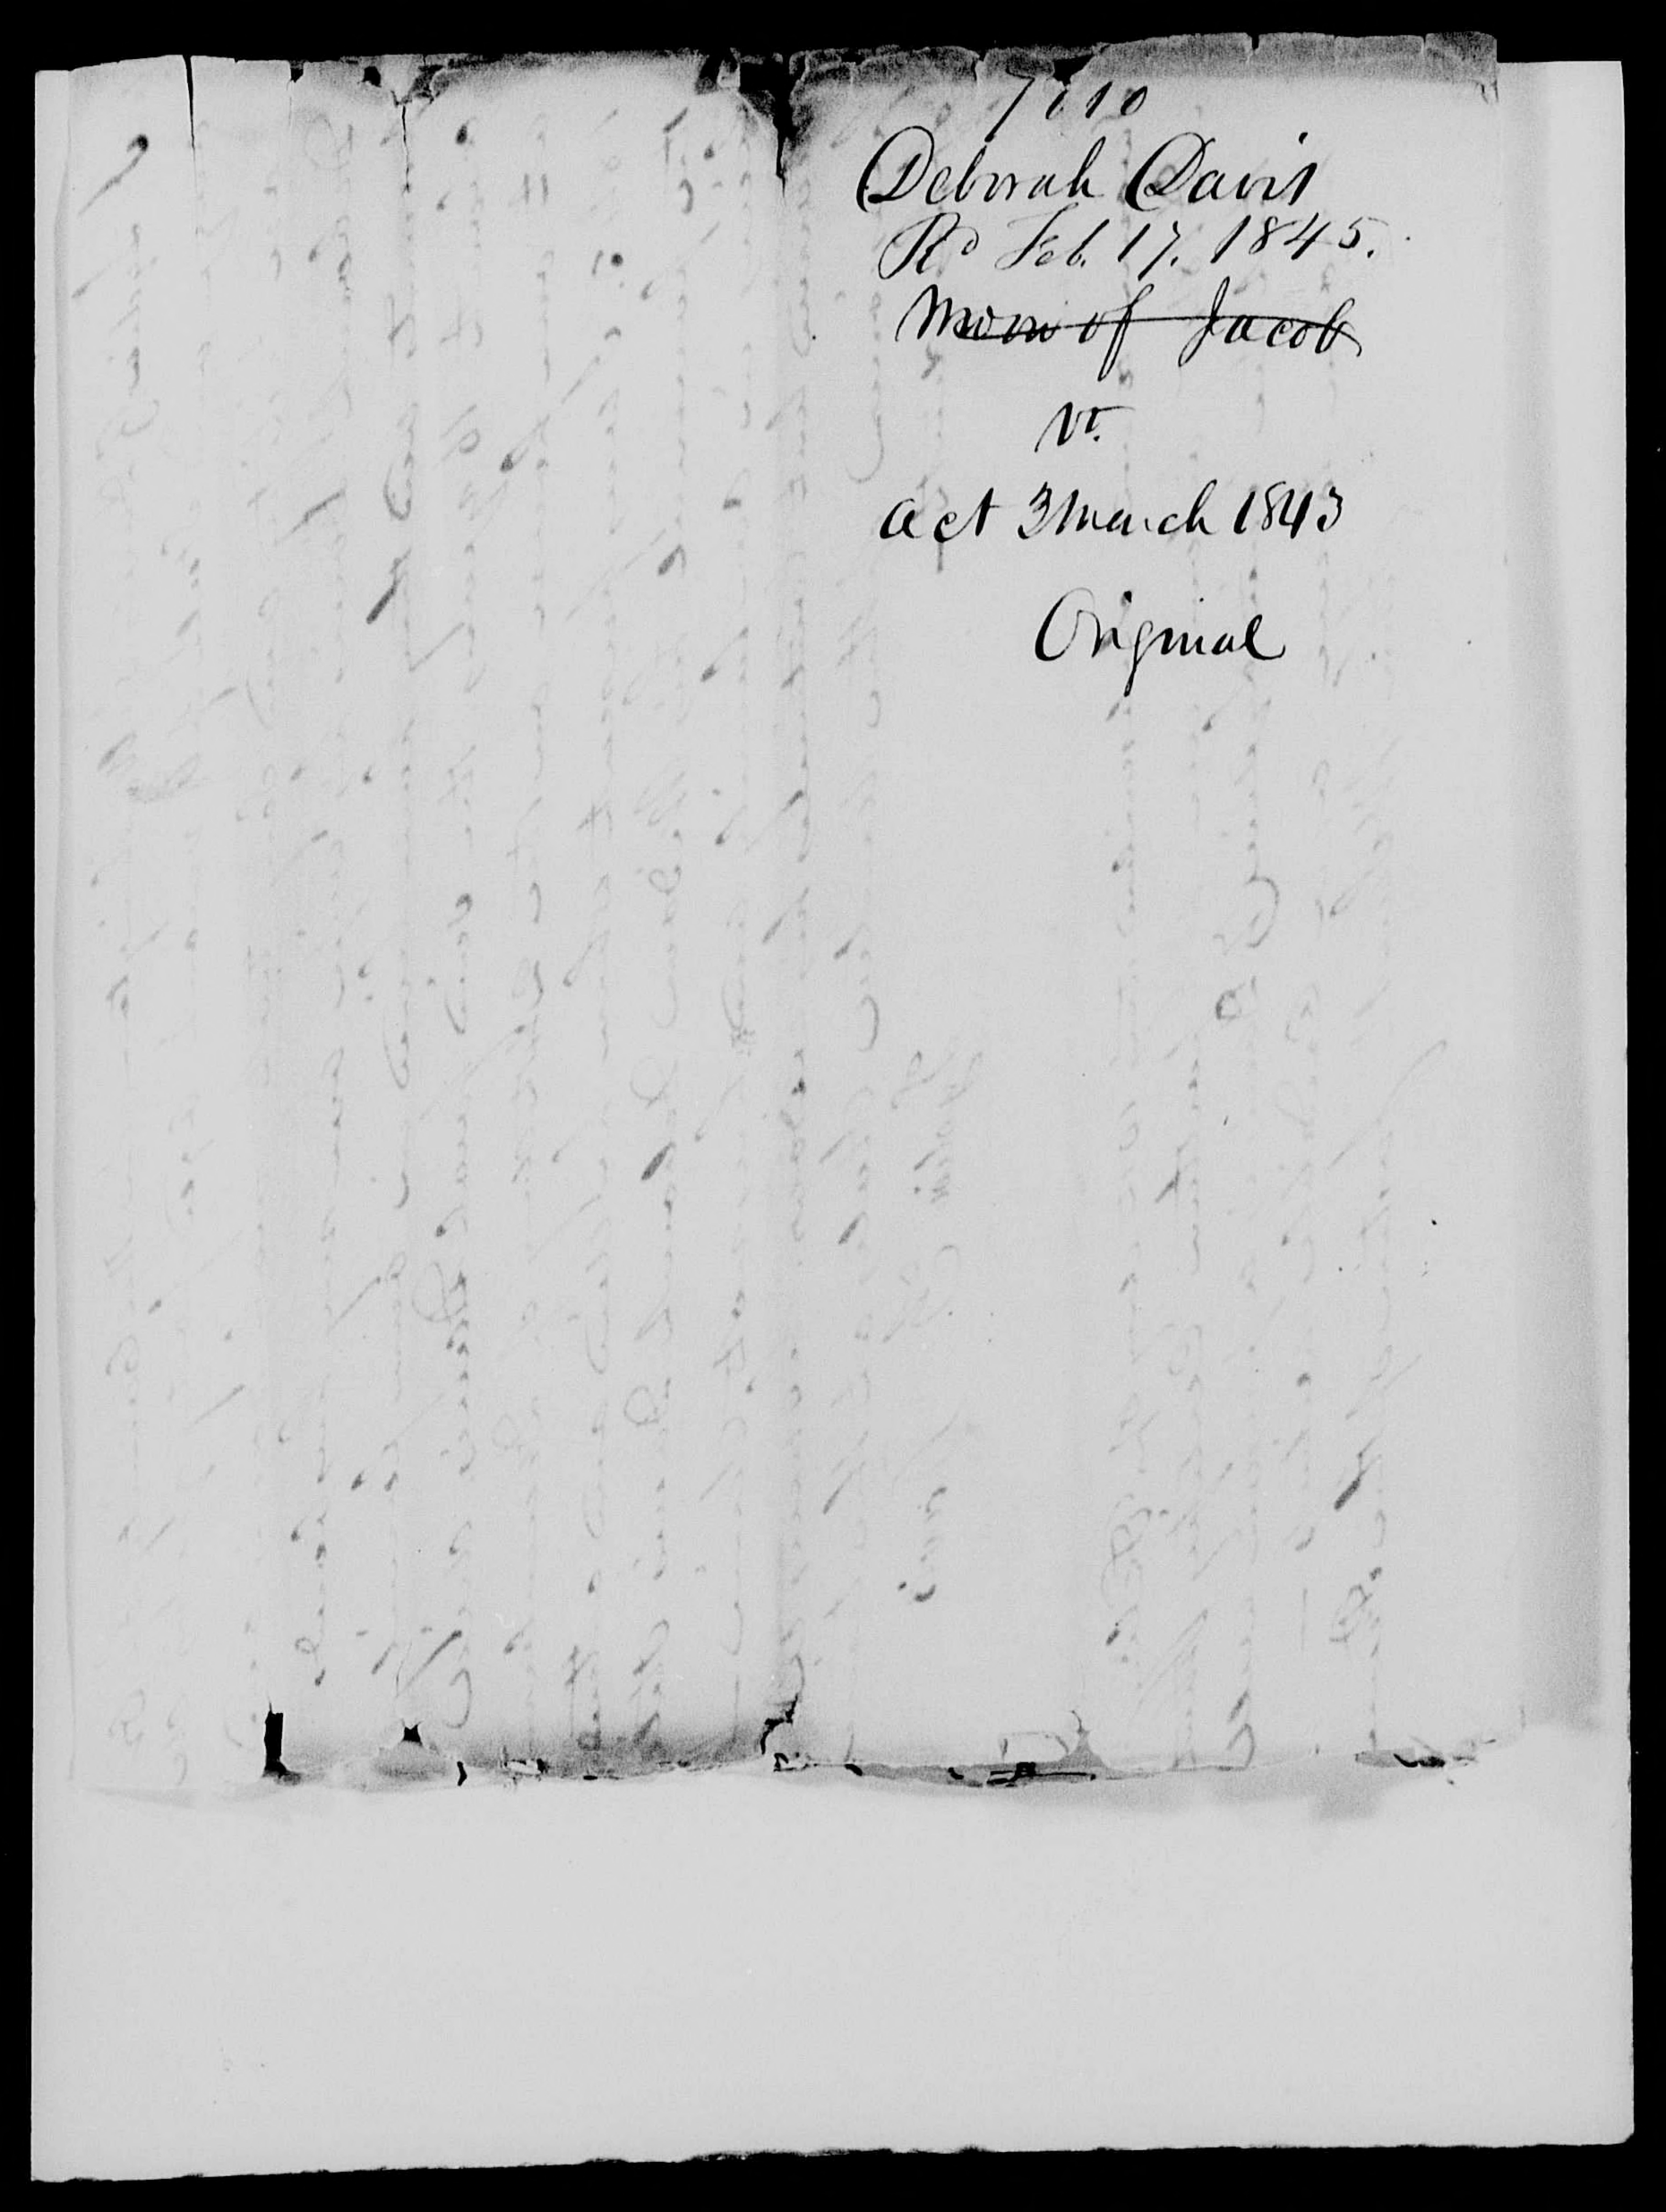7010
Deborah Davis
Rd [Received] Feb 17, 1845
[crossed out] Widow of Jacob
Vt.
Act 3 March 1843
Original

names: Jacob Davis, Deborah Davis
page: 23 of 47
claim: widow's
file: W. 24043, Jacob Davis, N.H.